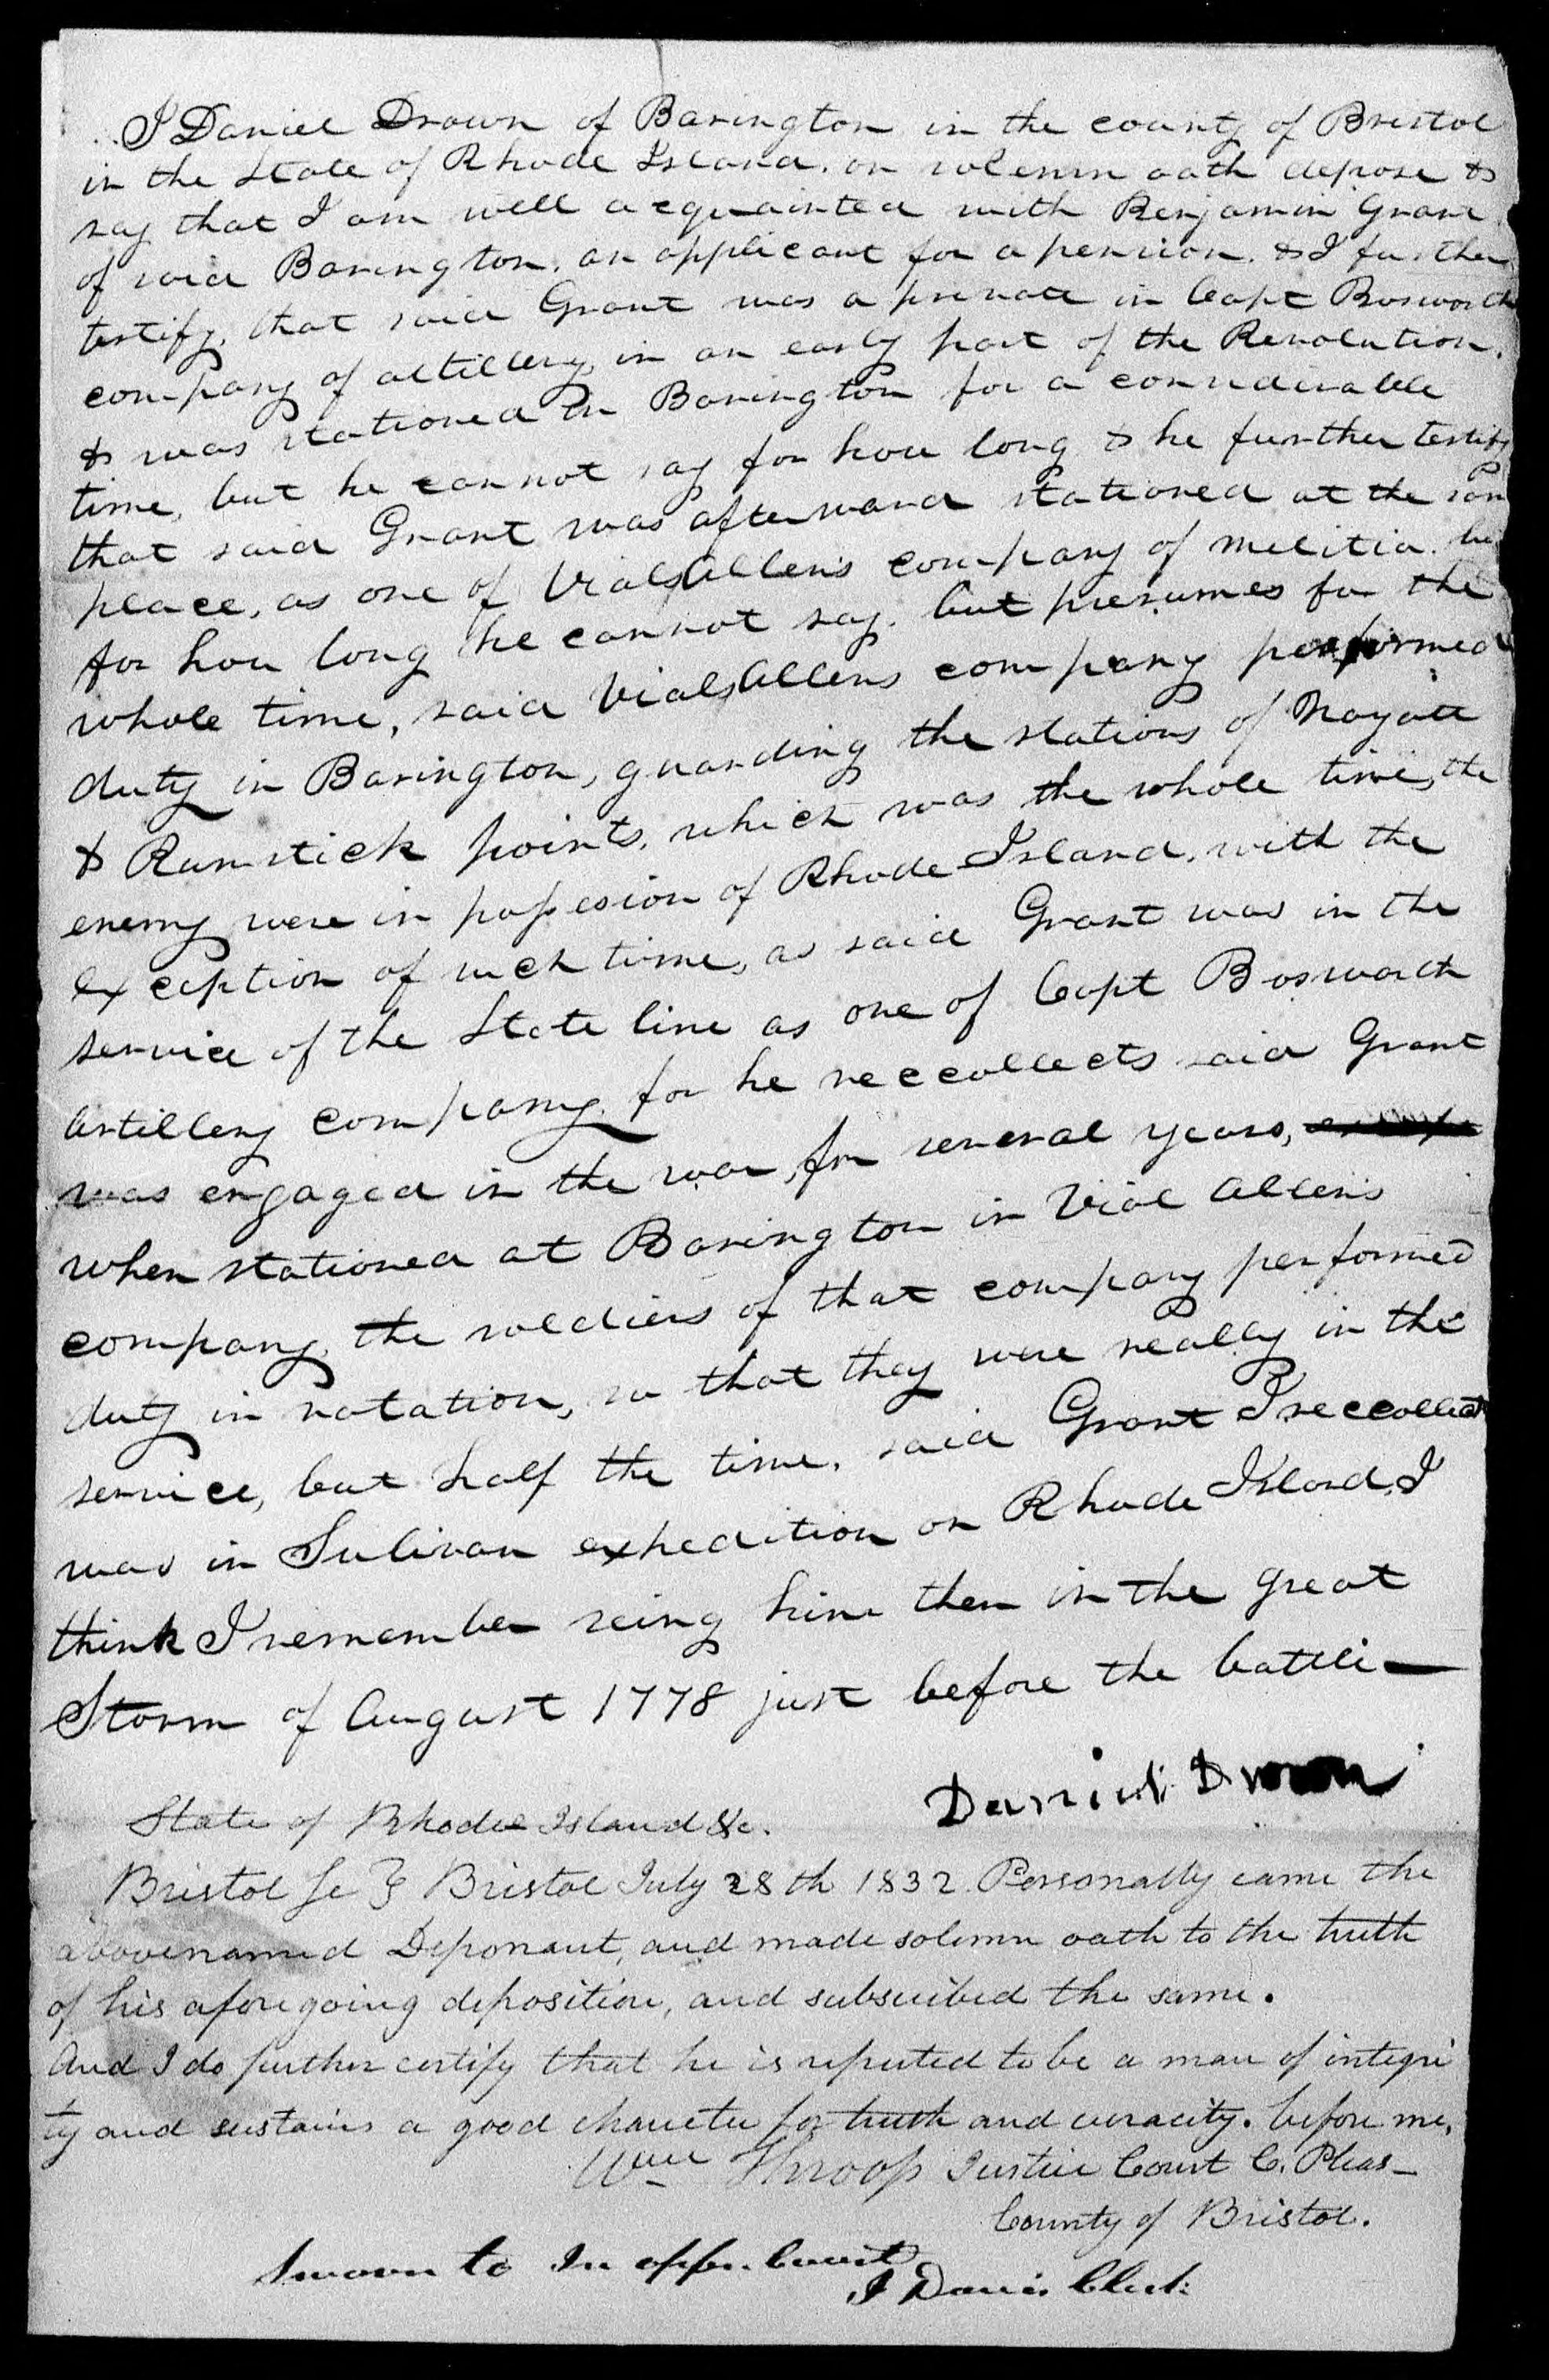I Daniel Drown of Barington [Barrington] in the county of Bristol in the state of Rhode Island, on solemn oath depose & say that I am well acquainted with Benjamin Grant of said Barington [Barrington], an applicant for a pension, & I further testify, that said Grant was a private in Capt Bosworth company of artillery in an early part of the Revolution, & was stationed in Barrington for a considerable time, but he cannot say for how long & he further testify that said Grant was afterward stationed at the same place, as one of Vial [Viall] Allen's company of militia, but for how long he cannot say, but presumes for the whole time, said Vial [Viall] Allens [Allen's] company performed duty in Barington [Barrington], guarding the stations of Nayatt & Rumstick points, which was the whole time the enemy were in possession of Rhode Island, with the exception of [illegible] time, as said Grant was in the service of the State line as one of Capt Bosworth Artillery Company for he recollects said Grant was engaged in the war for several years, when stationed at Barington [Barrington] in Vial [Viall] Allen's company, the soldiers of that company performed duty in rotation, in that they were really in the service, but half the time, said Grant I recollect was in Sulivan [Sullivan] expedition on Rhode Island. I think I remember seeing him then in the great Storm of August 1778 just before the battle -
Daniel Drown

State of Rhode Island &c.
Bristol Sc [flourish bracket] Bristol July 28th, 1832. Personally came the abovenamed Deponant [deponent], and made solemn oath to the truth of his aforegoing deposition, and subscribed the same. And I do further certify that he is reputed to be a man of integrity and sustains a good character for truth and veracity, before me. Wm. Throop Justice Court C. Pleas, County of Bristol.

Sworn to in open Court
I Davis Clerk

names: Grant, Daniel Drown, Grant, Grant, Bosworth, Benjamin Grant, I Davis, Grant, Wm Throop, Grant, Daniel Drown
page: 21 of 21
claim: survivor's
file: S. 17,446, Benjamin Grant, R.I.